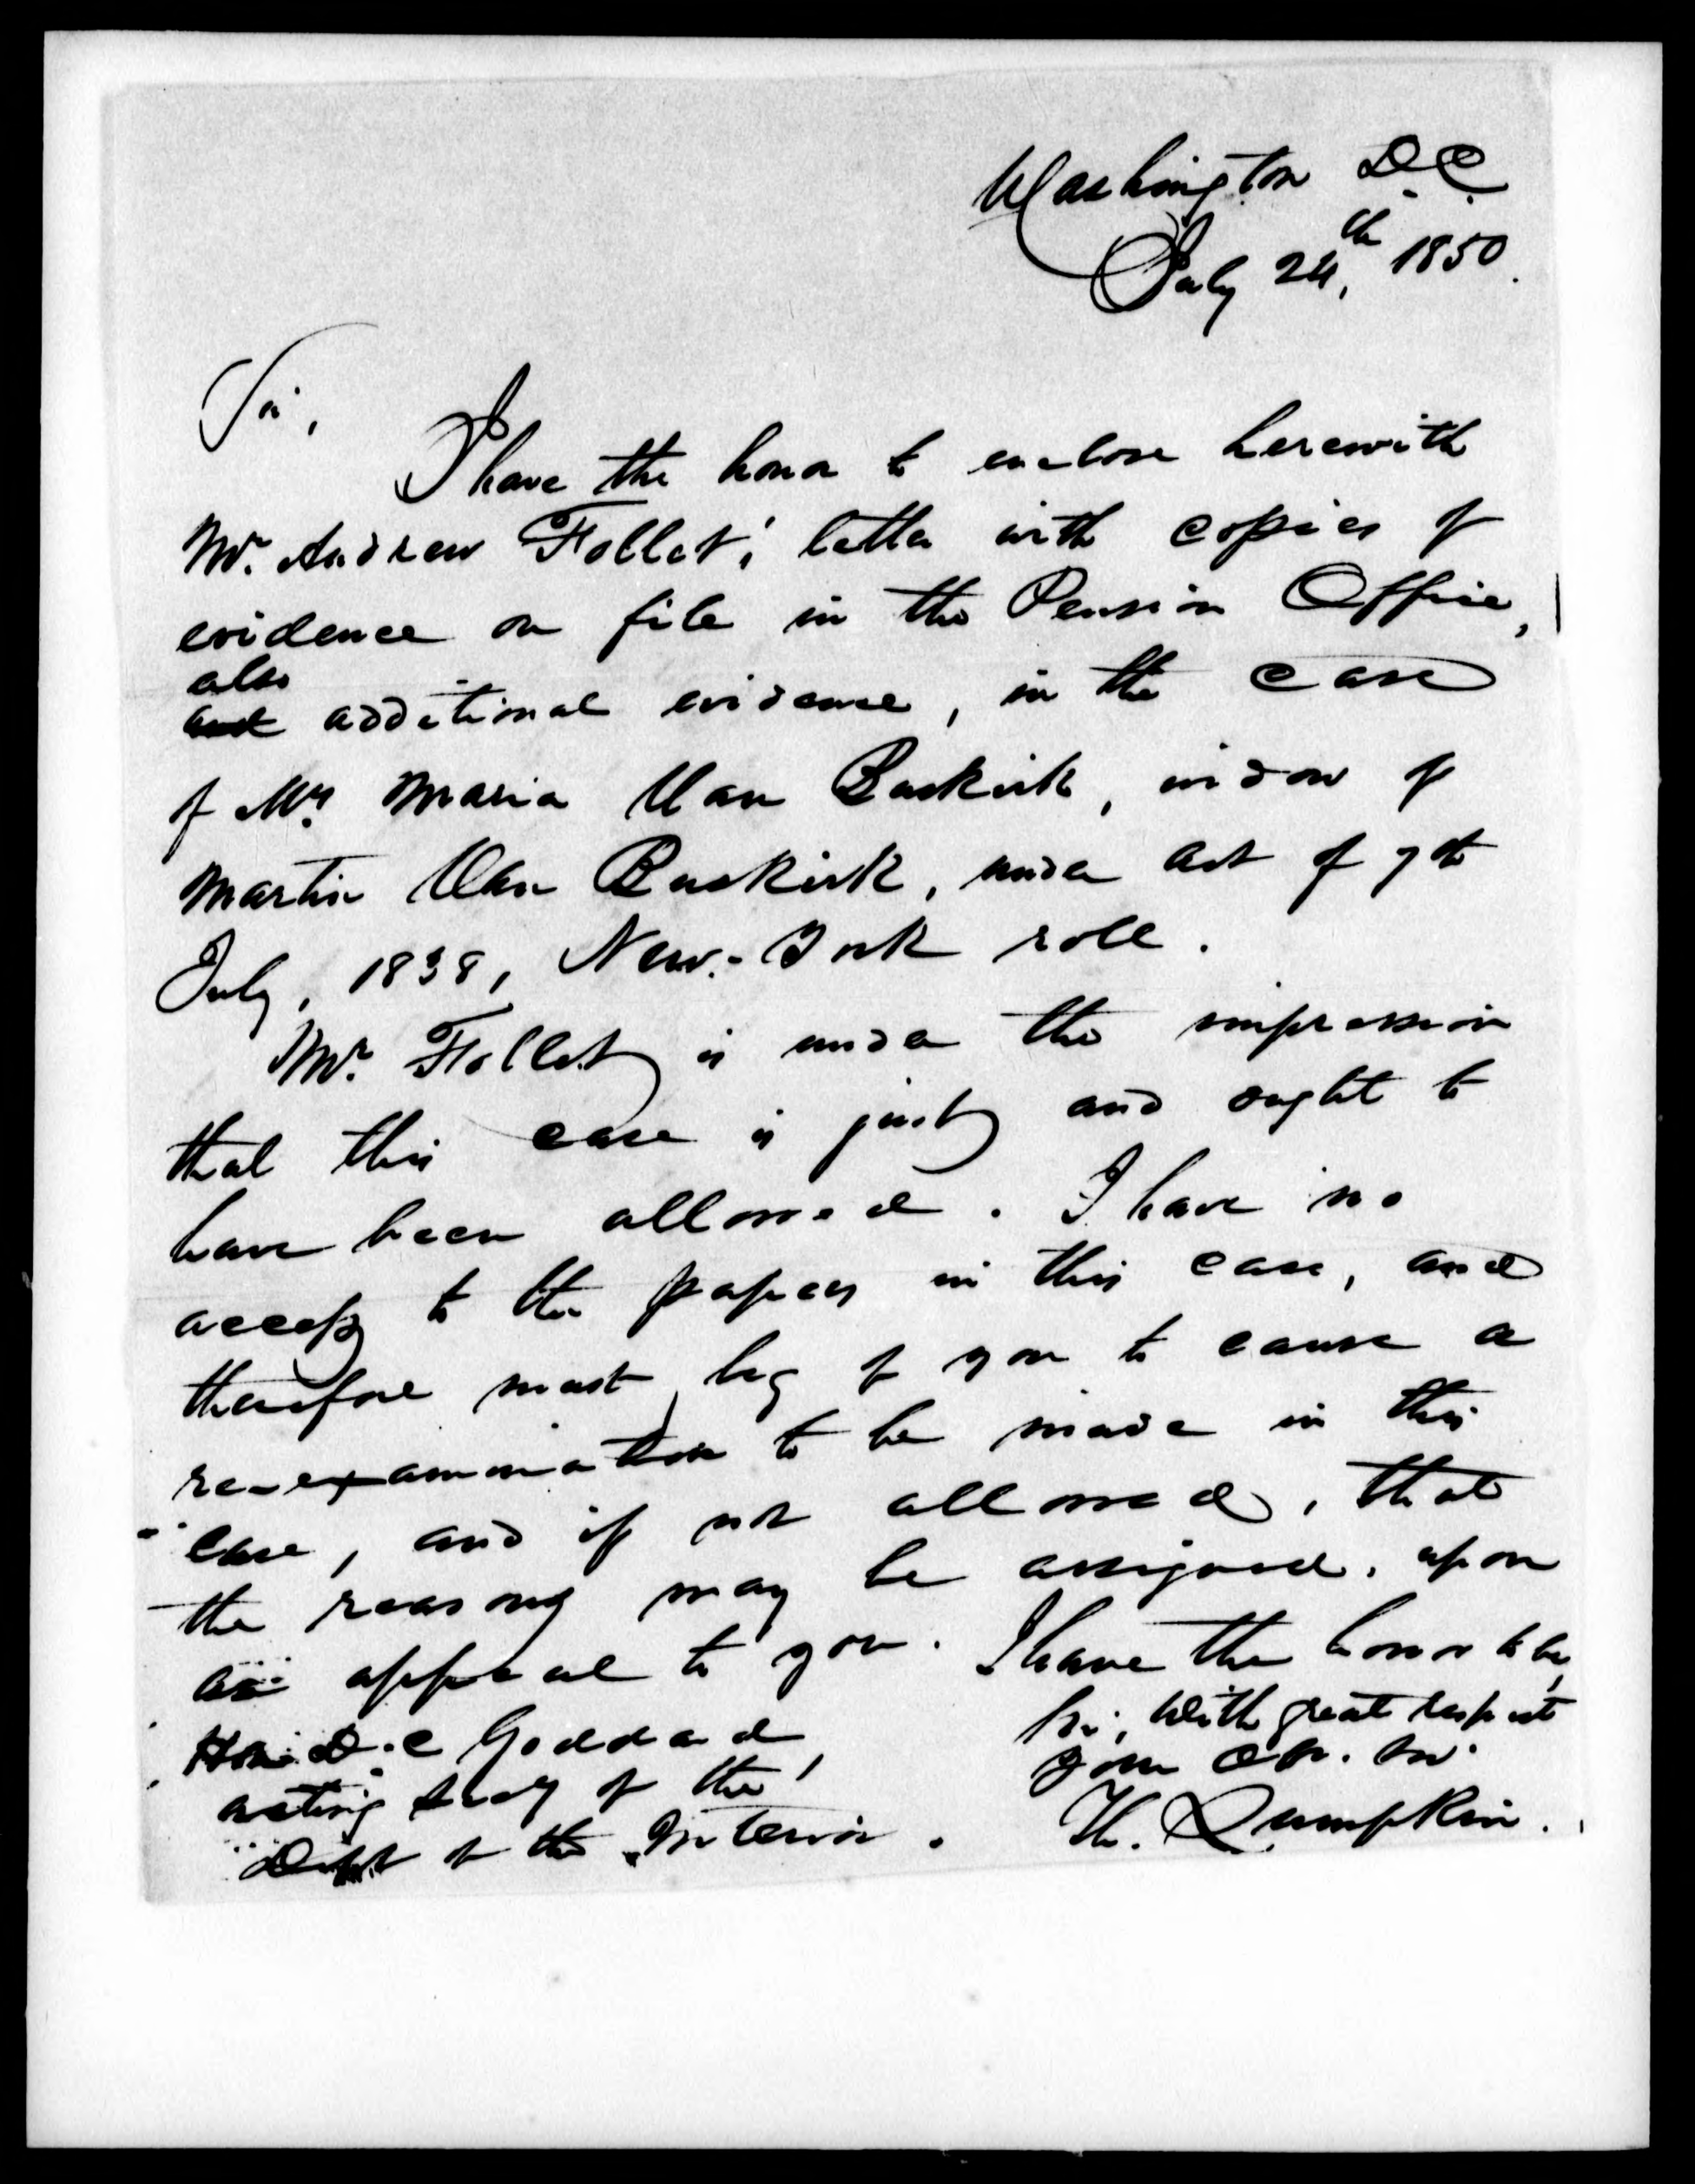Washington D.C.
July 24th 1850

Sir,
I have the honor & enclose herewith Mr. Andrew Follet: letter with copies of evidence on file in the Pension Office, and  [and is crossed out] also additional evidence, in the case of Mrs Maria Van Buskirk, widow of Martin Van Buskirk, under act of 7th July, 1838, 
New York roll.

Mr Follet is under the impression that this case is just and ought to have been allowed. I have no access to the papers in this case, and
therefore must beg of you to cause a re-examination to be made in this case, and if so allowed, that the reasons may be assigned,  upon an appeal to you.

I have the honor the to be your obt. svt.
Th. Lumpkin [signature]

Hon. D. C. Goddard [signature]
acting Secy. of the Dept. of the Interior.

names: Follet, D C Goddard, Martin Van Buskirk, Andrew Follet, Th Lumpkin, Maria Van Buskirk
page: 29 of 70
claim: rejected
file: R. 10,832, Martin Van Buskirk, New York.